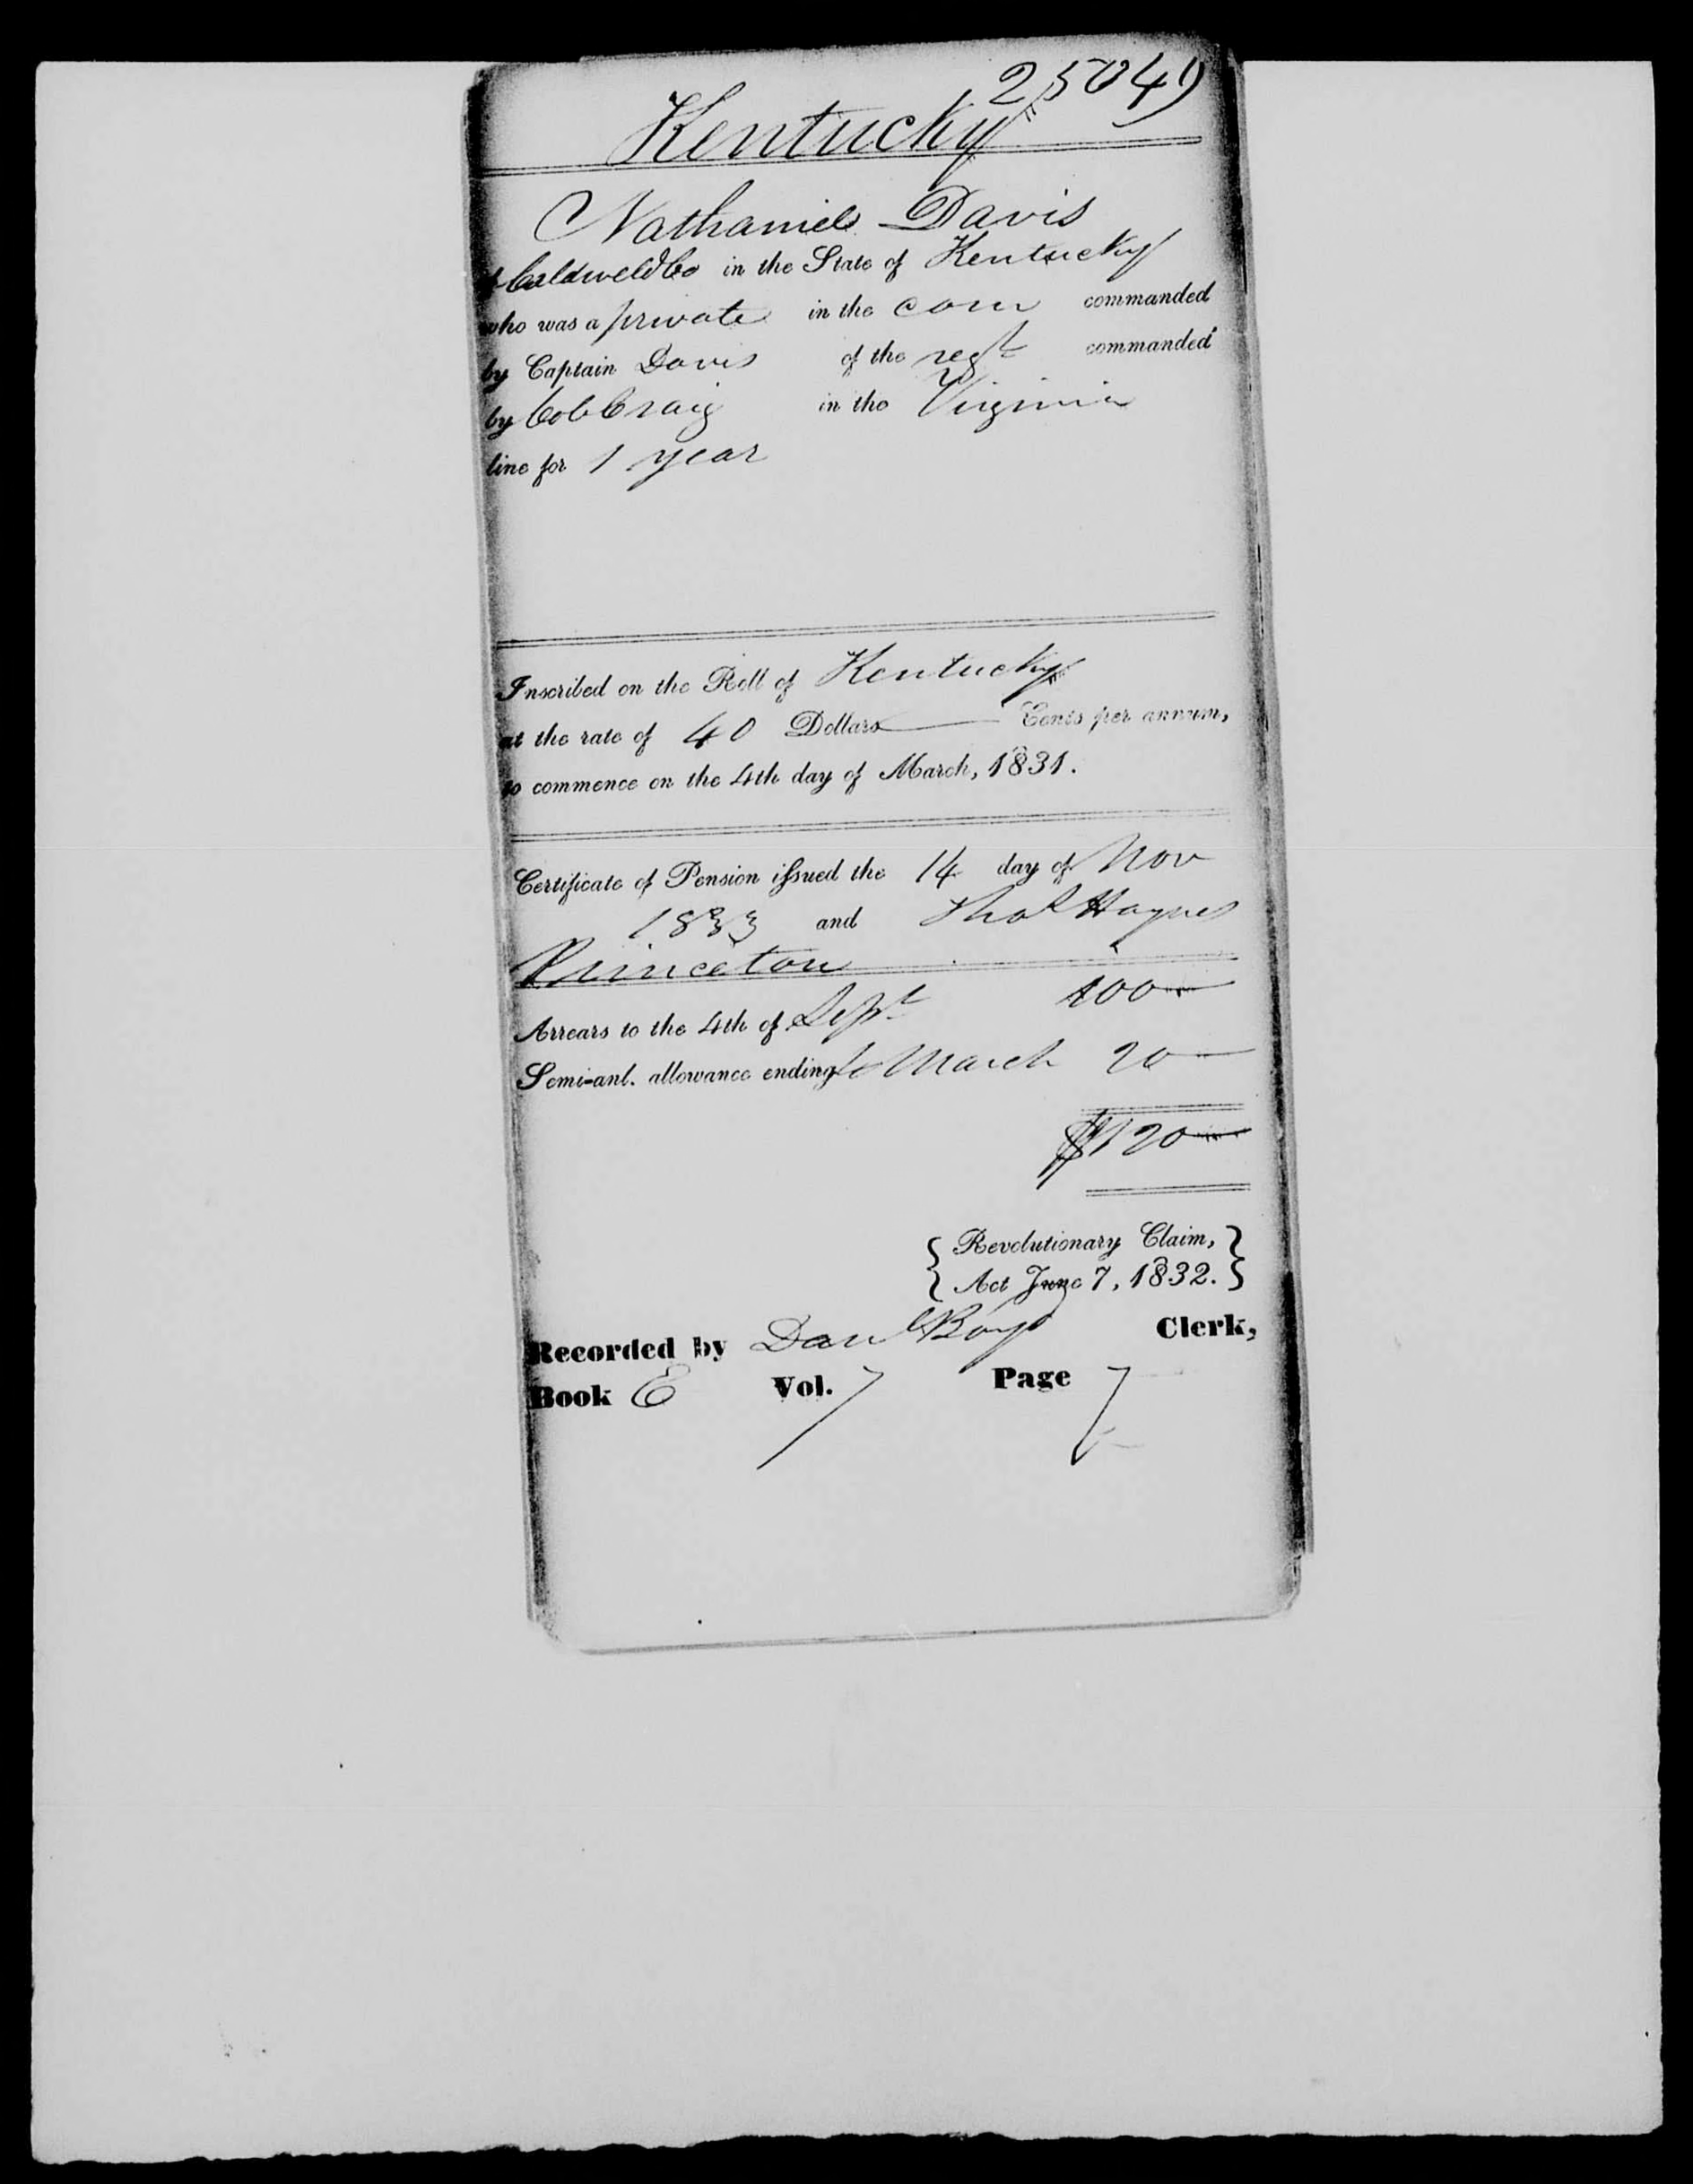25049
Kentucky
Nathaniel Davis
of Caldwell Co in the State of Kentucky
who was a private in the com commanded
by Captain Davis of the regt commanded
by Col Craig in the Virginia
line for 1 year

Inscribed on the Roll of Kentucky
at the rate of 40 Dollars - Cents per annum,
to commence on the 4th day of March, 1831.

Certificate of Pension issued the 14 day of Nov
1833 and Thos Haynes
Princeton

Arrears to the 4th of Sept. 100-
Semi-anl. allowance ending 4 March 20-
$120-
{Revolutionary Claim,
Act June 7, 1832.}
Recorded by Danl Boyd Clerk,
Book E Vol. 7 Page 7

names: Nathaniel Davis, Thos Haynes, Dan Boyd, Craig, Davis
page: 2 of 18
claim: survivor's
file: S. 30,366, Nathaniel Davis, N.C. Va.